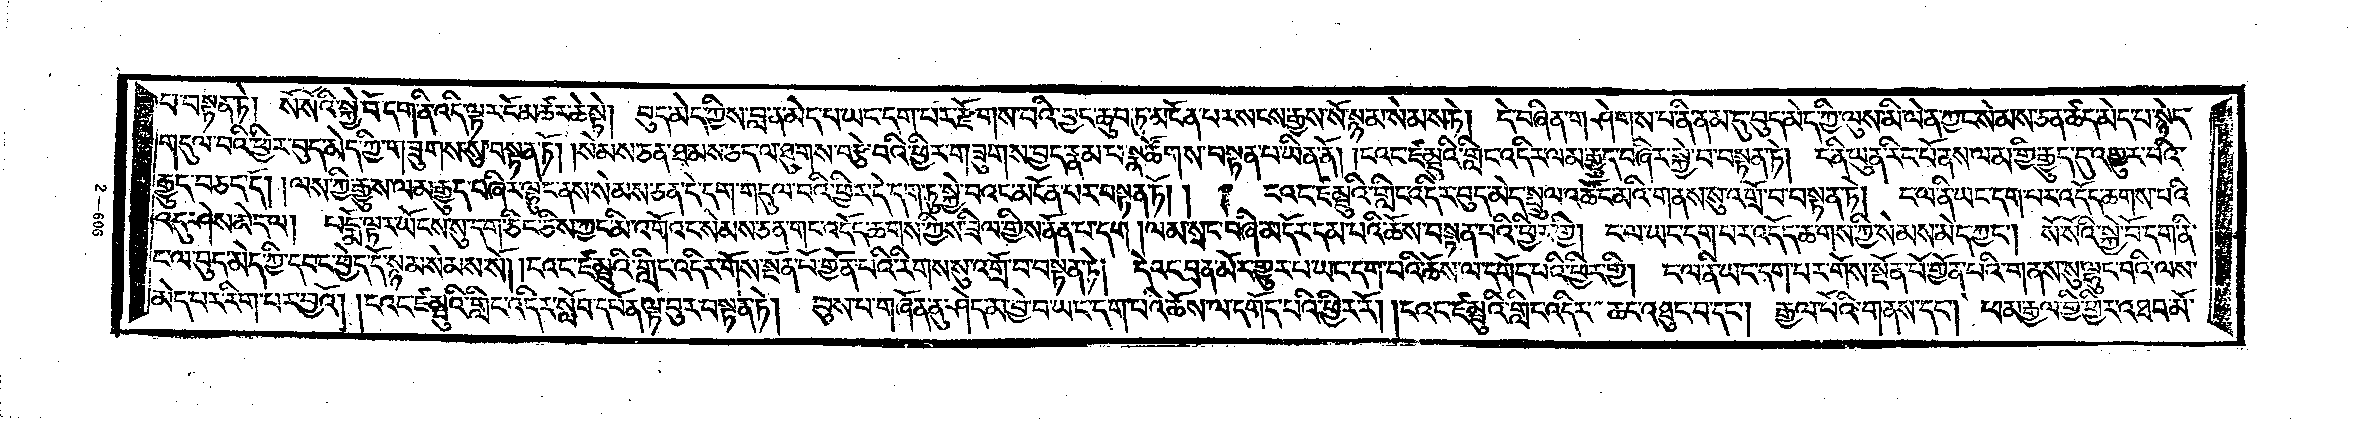བ་བསྟན་ཏེ། སོ་སོའི་སྐྱེ་བོ་དག་ནི་འདི་ལྟར་ངོ་མཚར་ཆེ་སྟེ། བུད་མེད་ཀྱིས་བླ་ན་མེད་པ་ཡང་དག་པར་རྫོགས་པའི་བྱང་ཆུབ་ཏུ་མངོན་པར་སངས་རྒྱས་སོ་སྙམས་སེམས་ཏེ། དེ་བཞིན་གཤེགས་པ་ནི་ནམ་དུ་བུད་མེད་ཀྱི་ལུས་མི་ལེན་ཀྱང་སེམས་ཅན་ཚད་མེད་པ་རྙེད་
གདུལ་བའི་ཕྱིར་བུད་མེད་ཀྱི་གཟུགས་སུ་བསྟན་ཏོ། །སེམས་ཅན་ཐམས་ཅད་ལ་ཐུགས་བརྩེ་བའི་ཕྱིར་གཟུགས་བྱང་རྣམ་པ་སྣ་ཚོགས་བསྟན་པ་ཡིན་ནོ། །ངའང་ཛམྦུའི་གླིང་འདིར་ལམ་རྒྱུད་བཞིར་སྐྱེ་བ་བསྟན་ཏེ། ང་ནི་ཡུན་རིང་པོ་ནས་ལམ་གྱི་རྒྱུད་དུ་འགྱུར་བའི་
རྒྱུད་བཅད་དོ། །ལས་ཀྱི་རྒྱུས་ལམ་རྒྱུད་བཞིར་ལྷུང་ནས་སེམས་ཅན་དེ་དག་གདུལ་བའི་ཕྱིར་དེ་དག་ཏུ་སྐྱེ་བའང་མངོན་པར་བསྟན་ཏོ། ། ༈ ངའང་ཛམྦུའི་གླིང་འདིར་བུད་མེད་སྤྲུལ་འཚོང་མའི་གནས་སུ་འགྲོ་བ་བསྟན་ཏེ། ང་ལ་ནི་ཡང་དག་པར་འདོད་ཆགས་པའི་
འདུ་ཤེས་མེད་ལ། པདམོ་ལྟར་ཡོངས་སུ་དག་ཅིང་ཅིས་ཀྱང་མི་འགོའང་སེམས་ཅན་གང་འདོད་ཆགས་ཀྱིས་ཟིལ་གྱིས་ནོན་པ་དག །ལམ་སྲང་བཞི་མདོར་དམ་པའི་ཆོས་བསྟན་པའི་ཕྱིར་གྱི། ང་ལ་ཡང་དག་པར་འདོད་ཆགས་ཀྱི་སེམས་མེད་ཀྱང་། སོ་སོའི་སྐྱེ་བོ་དག་ནི་
ང་ལ་བུད་མེད་ཀྱི་དབང་ཕྱེད་དོ་སྙམ་སེམས་སོ། །ངའང་ཛམྦུའི་གླིང་འདིར་གོས་སྔོན་པོ་གྱོན་པའི་རིགས་སུ་འགྲོ་བ་བསྟན་ཏེ། དེའང་བྲན་མོར་གྱུར་པ་ཡང་དག་པའི་ཆོས་ལ་དགོད་པའི་ཕྱིར་གྱི། ང་ལ་ནི་ཡང་དག་པར་གོས་སྔོན་པོ་གྱོན་པའི་གནས་སུ་ལྷུང་བའི་ལས་
མེད་པར་རིག་པར་བྱའོ། །ངའང་ཛམྦུའི་གླིང་འདིར་སློབ་དཔོན་ལྟ་བུར་བསྟན་ཏེ། པུས་པ་གཞོན་ནུ་ཤེད་མ་བྱེ་བ་ཡང་དག་པའི་ཆོས་ལ་དགོད་པའི་ཕྱིར་རོ། །ངའང་ཛམྦུའི་གླིང་འདིར་ཆང་འཐུང་བ་དང་། རྒྱལ་པོའི་གནས་དང་། ཕམ་རྒྱལ་གྱི་ཕྱིར་འཐབ་མོ་